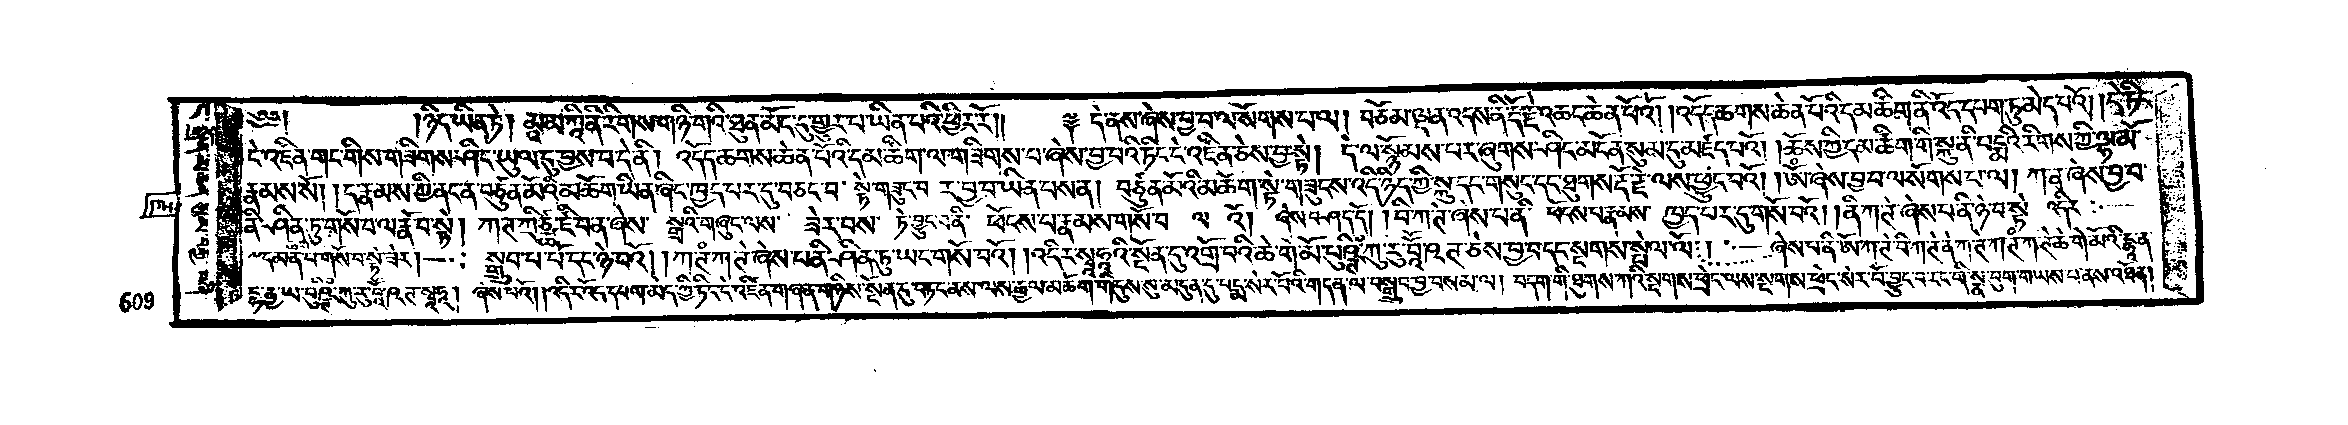༄༅། །ཉིད་ཡིན་ཏེ། མཱ་མ་ཀཱི་ནི་རིགས་གཉི་གའི་ཐུན་མོང་དུ་གྱུར་པ་ཡིན་པའི་ཕྱིར་རོ།། ༈ དེ་ནས་ཞེས་བྱ་བ་ལ་སོགས་པ་ལ། བཅོམ་ལྡན་འདས་ནི་རྡོ་རྗེ་འཆང་ཆེན་པོའོ། །འདོད་ཆགས་ཆེན་པོའི་དམ་ཚིག་ནི་འོད་དཔག་ཏུ་མེད་པའོ། །དེ་ཏིང་
ངེ་འཛིན་གང་གིས་གཟིགས་ཤིང་ཡུལ་དུ་བྱས་པ་དེ་ནི། འདོད་ཆགས་ཆེན་པོའི་དམ་ཚིག་ལ་གཟིགས་པ་ཞེས་བྱ་བའི་ཏིང་ངེ་འཛིན་ཅེས་བྱ་སྟེ། དེ་ལ་སྙོམས་པར་ཞུགས་ཤིང་མངོན་སུམ་དུ་མཛད་པའོ། །ཆོས་ཀྱི་དམ་ཚིག་གི་སྐུ་ནི་པདམའི་རིགས་ཀྱི་ལྷ་མ་
རྣམས་སོ། །དེ་རྣམས་ཀྱི་ནང་ན་བཙུན་མོའི་མཆོག་ཡིན་ཞིང་ཁྱད་པར་དུ་བཅང་བ་སྟེ་གཟུང་བར་བྱ་བ་ཡིན་པས་ན། བཙུན་མོའི་མཆོག་སྟེ་གཟུངས་འདི་ཉིད་ཀྱི་སྐུ་དང་གསུང་དང་ཐུགས་རྡོ་རྗེ་ལས་ཕྱུང་བའོ། །ཨོཾ་ཞེས་བྱ་བ་ལ་སོགས་པ་ལ། ཀ་ཊྲ་ཞེས་བྱ་བ་
ནི་ཤིན་ཏུ་གསོ་བ་ལ་རྣོ་བ་སྟེ། ཀ་ཊ་ཀྲི་ཙྪ་ཛི་བ་ན་ཞེས་སྒྲའི་གཞུང་ལས་ཟེར་བས་ཏེ་བྱུང་བ་ནི་ཕོངས་པ་རྣམས་གསོ་བ་ལའོ། ཞེས་བཤད་དོ། །བི་ཀ་ཊེ་ཞེས་པ་ནི་ཕོངས་པ་རྣམས་ཁྱད་པར་དུ་གསོ་བའོ། །ནི་ཀ་ཊེ་ཞེས་པ་ནི་ཉེ་བ་སྟེ། འདིར་
༧དམན་ཆག་པ་གསོ་བ་སྟེ་ཟེར། སྒྲུབ་པ་པོ་དང་ཉེ་བའོ། །ཀ་ཊཾ་ཀ་ཊེ་ཞེས་པ་ནི་ཤིན་ཏུ་ཡང་གསོ་བའོ། །འདིར་སྭཱ་ཧཱའི་སྔོན་དུ་འགྲོ་བའི་ཆེ་གེ་མོ་པུཥྚིཾ་ཀུ་རུ་བOཨོ་ཥ་ཊ་ཅེས་བྱ་བ་དང་སྔགས་སྤེལ་ལོ། ཞེས་པ་ནི་ཨོ་ཀ་ཊེ་བི་ཀ་ཊེ་ནི་ཀ་ཊཾ་ཀ་ཊེ་ཆེ་གེ་མོའི་དྷཱ་ན་
དྷ་ནྱ་ཡ་བུཥྚིཾ་ཀུ་རུ་བOཨོ་ཥ་ཊ་སྭཱ་ཧཱ། ཞེས་པའོ། །འདིར་འོད་དཔག་མེད་ཀྱི་ཏིང་ངེ་འཛིན་གཞན་གཉིས་སྔོན་དུ་བཏང་ནས་ལས་རྒྱལ་མཆོག་གི་དུས་སུ་མདུན་དུ་པདམ་སེར་པོའི་གདན་ལ་བསྒྲུབ་བྱ་བསམ་ལ། བདག་གི་ཐུགས་ཀའི་སྔགས་ཕྲེང་ལས་སྔགས་ཕྲེང་སེར་པོ་བྱུང་བ་རང་གི་སྣ་བུག་གཡས་པ་ནས་འཐོན།